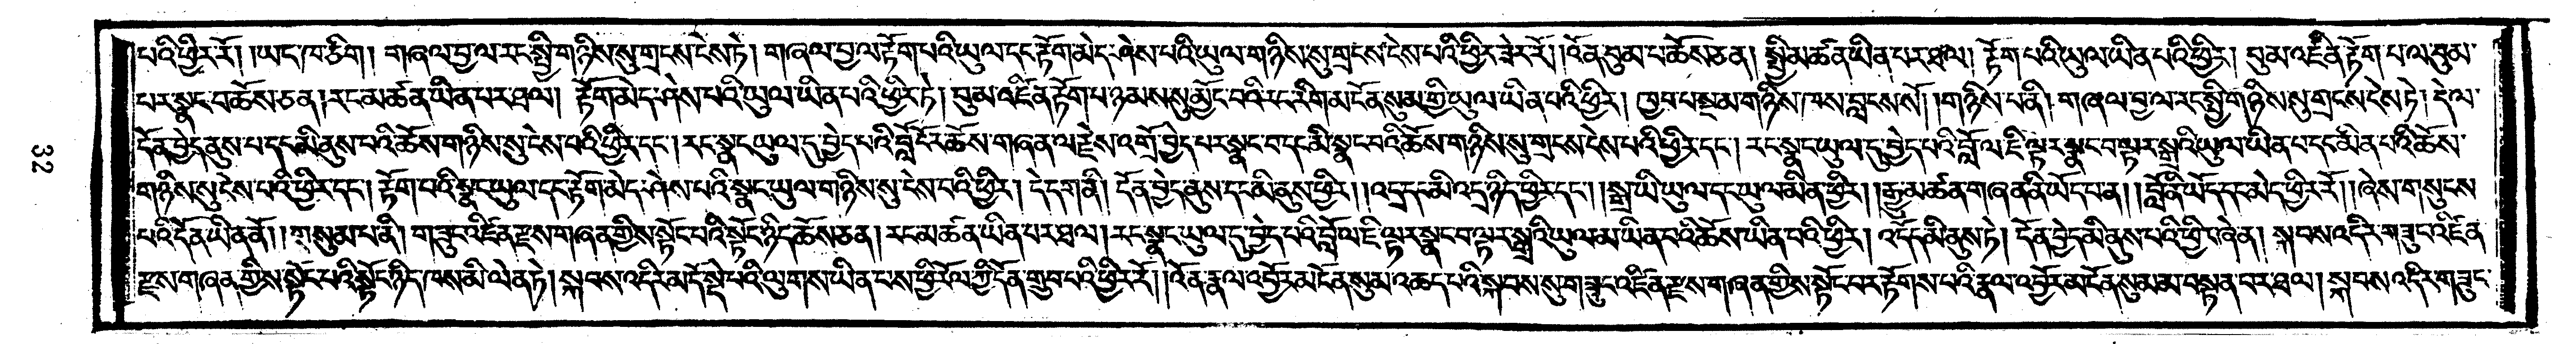པའི་ཕྱིར་རོ། །ཡང་ཁ་ཅིག །གཞལ་བྱ་ལ་རང་སྤྱི་གཉིས་སུ་གྲངས་ངེས་ཏེ། གཞལ་བྱ་ལ་རྟོག་པའི་ཡུལ་དང་རྟོག་མེད་ཤེས་པའི་ཡུལ་གཉིས་སུ་གྲངས་ངེས་པའི་ཕྱིར་ཟེར་རོ། །འོ་ན་བུམ་པ་ཆོས་ཅན། སྤྱི་མཚན་ཡིན་པར་ཐལ། རྟོག་པའི་ཡུལ་ཡིན་པའི་ཕྱིར། བུམ་འཛིན་རྟོག་པ་ལ་བུམ་
པར་སྣང་བ་ཆོས་ཅན། རང་མཚན་ཡིན་པར་ཐལ། རྟོག་མེད་ཤེས་པའི་ཡུལ་ཡིན་པའི་ཕྱིར་ཏེ། བུམ་འཛིན་རྟོག་པ་ཉམས་སུ་མྱོང་བའི་རང་རིག་མངོན་སུམ་གྱི་ཡུལ་ཡིན་པའི་ཕྱིར། ཁྱབ་པ་སྔ་མ་གཉིས་ཁས་བླངས་སོ། །གཉིས་པ་ནི། གཞལ་བྱ་ལ་རང་སྤྱི་གཉིས་སུ་གྲངས་ངེས་ཏེ། དེ་ལ་
དོན་བྱེད་ནུས་པ་དང་མི་ནུས་པའི་ཆོས་གཉིས་སུ་ངེས་པའི་ཕྱིར་དང་། རང་སྣང་ཡུལ་དུ་བྱེད་པའི་བློ་ངོར་ཆོས་གཞན་ལ་རྗེས་འགྲོ་བྱེད་པར་སྣང་བ་དང་མི་སྣང་བའི་ཆོས་གཉིས་སུ་གྲངས་ངེས་པའི་ཕྱིར་དང་། རང་སྣང་ཡུལ་དུ་བྱེད་པའི་བློ་ལ་ཇི་ལྟར་སྣང་བ་ལྟར་སྒྲའི་ཡུལ་ཡིན་པ་དང་མིན་པའི་ཆོས་
གཉིས་སུ་ངེས་པའི་ཕྱིར་དང་། རྟོག་པའི་སྣང་ཡུལ་དང་རྟོག་མེད་ཤེས་པའི་སྣང་ཡུལ་གཉིས་སུ་ངེས་པའི་ཕྱིར། དེ་དག་ནི། དོན་བྱེད་ནུས་དང་མི་ནུས་ཕྱིར། །འདྲ་དང་མི་འདྲ་ཉིད་ཕྱིར་དང་། །སྒྲ་ཡི་ཡུལ་དང་ཡུལ་མིན་ཕྱིར། །རྒྱུ་མཚན་གཞན་ནི་ཡོད་པ་ན། །བློ་ནི་ཡོད་དང་མེད་ཕྱིར་རོ། །ཞེས་གསུངས་
པའི་དོན་ཡིན་ནོ། །གསུམ་པ་ནི། གཟུང་འཛིན་རྫས་གཞན་གྱིས་སྟོང་པའི་སྟོང་ཉིད་ཆོས་ཅན། རང་མཚན་ཡིན་པར་ཐལ། རང་སྣང་ཡུལ་དུ་བྱེད་པའི་བློ་ལ་ཇི་ལྟར་སྣང་བ་ལྟར་སྒྲའི་ཡུལ་མ་ཡིན་པའི་ཆོས་ཡིན་པའི་ཕྱིར། འདོད་མི་ནུས་ཏེ། དོན་བྱེད་མི་ནུས་པའི་ཕྱིར་ཞེ་ན། སྐབས་འདིར་གཟུང་འཛིན་
རྫས་གཞན་གྱིས་སྟོང་པའི་སྟོང་ཉིད་ཁས་མི་ལེན་ཏེ། སྐབས་འདིར་མདོ་སྡེ་པའི་ལུགས་ཡིན་པས་ཕྱི་རོལ་ཀྱི་དོན་གྲུབ་པའི་ཕྱིར་རོ། །འོ་ན་རྣལ་འབྱོར་མངོན་སུམ་འཆད་པའི་སྐབས་སུ་གཟུང་འཛིན་རྫས་གཞན་གྱིས་སྟོང་པར་རྟོགས་པའི་རྣལ་འབྱོར་མངོན་སུམ་མ་བསྟན་པར་ཐལ། སྐབས་འདིར་གཟུང་